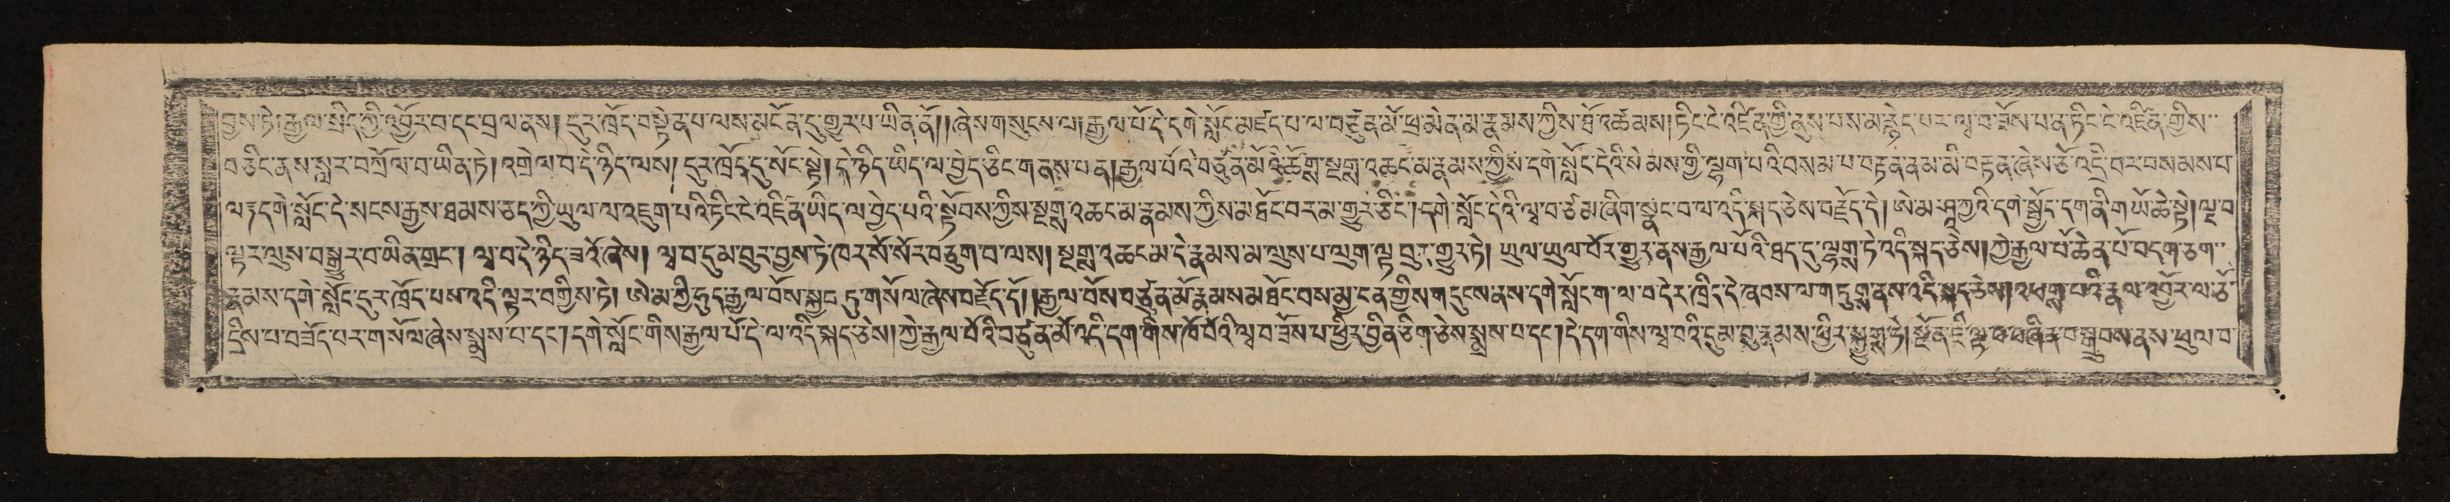བྱས་ཏེ། རྒྱལ་སྲིད་ཀྱི་འབྱོར་བ་དང་བྲལ་ནས། དུར་ཁྲོད་བསྟེན་པ་ལས་མངོན་དུ་གྱུར་པ་ཡིན་ནོ། །ཞེས་གསུངས་ལ། རྒྱལ་པོ་དེ་དགེ་སློང་མཛད་པ་ལ་བཙུན་མོ་ཕྲ་མེན་མ་རྣམས་ཀྱིས་ཐོ་འཚམས། ཏིང་ངེ་འཛིན་གྱི་ནུས་བསམ་རྙེད་པར་ལྭ་བཟོས་བན་ཏིང་ངེ་འཛིན་གྱིས་
བཅིང་ནས་སླར་བཀྲོལ་བ་ཡིན་ཏེ། འགྲེལ་པ་དེ་ཉིད་ལས། དུར་ཁྲོད་དུ་སོང་སྟེ། དེ་ཉིད་ཡིད་ལ་བྱེད་ཅིང་གནས་པ་ན། རྒྱལ་པོའི་བཙུན་མོའི་ཚོགས་སྔགས་འཆང་མ་རྣམས་ཀྱིས་དགེ་སློང་དེའི་སེམས་ཀྱི་ལྷག་པའི་བསམ་པ་བརྟན་ནམ་མི་བརྟན་ཞེས་ཅོ་འདྲི་བར་བསམས་པ་
ལ༑ དགེ་སློང་དེ་སངས་རྒྱས་ཐམས་ཅད་ཀྱི་ཡུལ་ལ་འཇུག་པའི་ཏིང་ངེ་འཛིན་ཡིད་ལ་བྱེད་པའི་སྟོབས་ཀྱིས་སྔགས་འཆང་མ་རྣམས་ཀྱིས་མཐོང་བར་མ་གྱུར་ཅིང་། དགེ་སློང་དེའི་ལྭ་བ་ཙམ་ཞིག་སྣང་བ་ལ་འདི་སྐད་ཅེས་བརྗོད་དེ། ཨེ་མ་ཤཱཀྱའི་དགེ་སྦྱོང་དག་ནི་གཡོ་ཆེ་སྟེ། ལྭ་བ་
ལྟར་ལུས་བསྒྱུར་པ་ཡིན་གྲང་། ལྭ་བ་དེ་ཉིད་ཟའོ་ཞེས། ལྭ་བ་དུམ་བུར་བྱས་ཏེ་ཁར་སོ་སོར་བཅུག་པ་ལས། སྔགས་འཆང་མ་དེ་རྣམས་མ་ལུས་པ་ལུག་ལྟ་བུར་གྱུར་ཏེ། ཡུལ་ཡུལ་བོར་གྱུར་ནས་རྒྱལ་པོའི་ཐད་དུ་ལྷགས་ཏེ་འདི་སྐད་ཅེས། ཀྱེ་རྒྱལ་པོ་ཆེན་པོ་བདག་ཅག་
རྣམས་དགེ་སློང་དུར་ཁྲོད་པས་འདི་ལྟར་བགྱིས་ཏེ། ཨེ་མ་ཀྱེ་ཧུད་རྒྱལ་པོས་སྐྱབ་ཏུ་གསོལ་ཞེས་བརྗོད་དོ། །རྒྱལ་པོས་བཙུན་མོ་རྣམས་མཐོང་བས་མྱ་ངན་གྱིས་གདུངས་ནས་དགེ་སློང་ག་ལ་བ་དེར་ཁྲིད་དེ་ཞབས་ལ་གཏུགས་ནས་འདི་སྐད་ཅེས། འཕགས་པའི་རྣལ་འབྱོར་ལ་ཅོ་
དྲིས་བ་བཟོད་པར་གསོལ་ཞེས་སྨྲས་པ་དང་། དགེ་སློང་གིས་རྒྱལ་པོ་དེ་ལ་འདི་སྐད་ཅེས། ཀྱེ་རྒྱལ་པོའི་བཙུན་མོ་འདི་དག་གིས་ཁོ་བོའི་ལྭ་བཟོས་པ་ཕྱིར་བྱིན་ཅིག་ཅེས་སྨྲས་པ་དང་། དེ་དག་གིས་ལྭ་བའི་དུམ་བུ་རྣམས་ཕྱིར་སྐྱུགས་ཏེ། སྔོན་ཇི་ལྟ་བ་བཞིན་བསྒྲུབས་ནས་ཕུལ་བ་